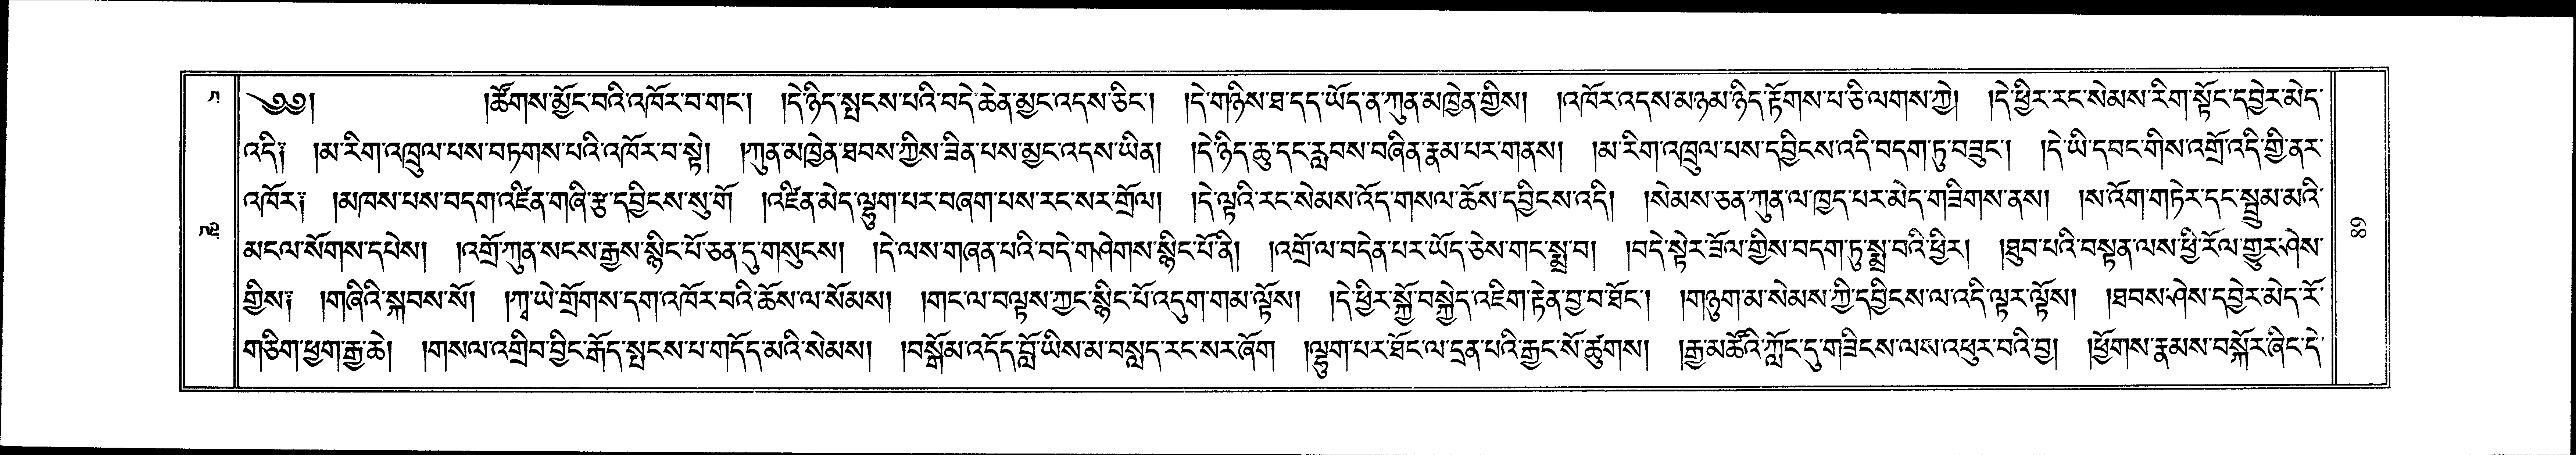༄༅། །ཚོགས་མྱོང་བའི་འཁོར་བ་གང་། །དེ་ཉིད་སྤངས་པའི་བདེ་ཆེན་མྱང་འདས་ཅིང་། །དེ་གཉིས་ཐ་དད་ཡོད་ན་ཀུན་མཁྱེན་གྱིས། །འཁོར་འདས་མཉམ་ཉིད་རྟོགས་པ་ཅི་ལགས་ཀྱེ། །དེ་ཕྱིར་རང་སེམས་རིག་སྟོང་དབྱེར་མེད་
འདི། །མ་རིག་འཁྲུལ་པས་བཏགས་པའི་འཁོར་བ་སྟེ། །ཀུན་མཁྱེན་ཐབས་ཀྱིས་ཟིན་པས་མྱང་འདས་ཡིན། །དེ་ཉིད་ཆུ་དང་རླབས་བཞིན་རྣམ་པར་གནས། །མ་རིག་འཁྲུལ་པས་དབྱིངས་འདི་བདག་ཏུ་བཟུང་། །དེ་ཡི་དབང་གིས་འགྲོ་འདི་གྱི་ནར་
འཁོར། །མཁས་པས་བདག་འཛིན་གཞི་རྩ་དབྱིངས་སུ་གོ །འཛིན་མེད་ལྷུག་པར་བཞག་པས་རང་སར་གྲོལ། །དེ་ལྟའི་རང་སེམས་འོད་གསལ་ཆོས་དབྱིངས་འདི། །སེམས་ཅན་ཀུན་ལ་ཁྱད་པར་མེད་གཟིགས་ནས། །ས་འོག་གཏེར་དང་སྦྲུམ་མའི་
མངལ་སོགས་དཔེས། །འགྲོ་ཀུན་སངས་རྒྱས་སྙིང་པོ་ཅན་དུ་གསུངས། །དེ་ལས་གཞན་པའི་བདེ་གཤེགས་སྙིང་པོ་ནི། །འགྲོ་ལ་བདེན་པར་ཡོད་ཅེས་གང་སྨྲ་བ། །བདེ་སྟེར་ཟོལ་གྱིས་བདག་ཏུ་སྨྲ་བའི་ཕྱིར། །ཐུབ་པའི་བསྟན་ལས་ཕྱི་རོལ་གྱུར་ཤེས་
གྱིས། །གཞིའི་སྐབས་སོ། །ཀྭ་ཡེ་གྲོགས་དག་འཁོར་བའི་ཆོས་ལ་སོམས། །གང་ལ་བལྟས་ཀྱང་སྙིང་པོ་འདུག་གམ་ལྟོས། །དེ་ཕྱིར་སྐྱོ་བསྐྱེད་འཇིག་རྟེན་བྱ་བ་ཐོང་། །གཉུག་མ་སེམས་ཀྱི་དབྱིངས་ལ་འདི་ལྟར་ལྟོས། །ཐབས་ཤེས་དབྱེར་མེད་རོ་
གཅིག་ཕྱག་རྒྱ་ཆེ། །གསལ་འགྲིབ་བྱིང་རྒོད་སྤངས་པ་གདོད་མའི་སེམས། །བསྒོམ་འདོད་བློ་ཡིས་མ་བསླད་རང་སར་ཞོག །ལྷུག་པར་ཐོང་ལ་དྲན་པའི་རྒྱང་སོ་ཚུགས། །རྒྱ་མཚོའི་ཀློང་དུ་གཟིངས་ལས་འཕུར་བའི་བྱ། །ཕྱོགས་རྣམས་བསྐོར་ཞིང་དེ་